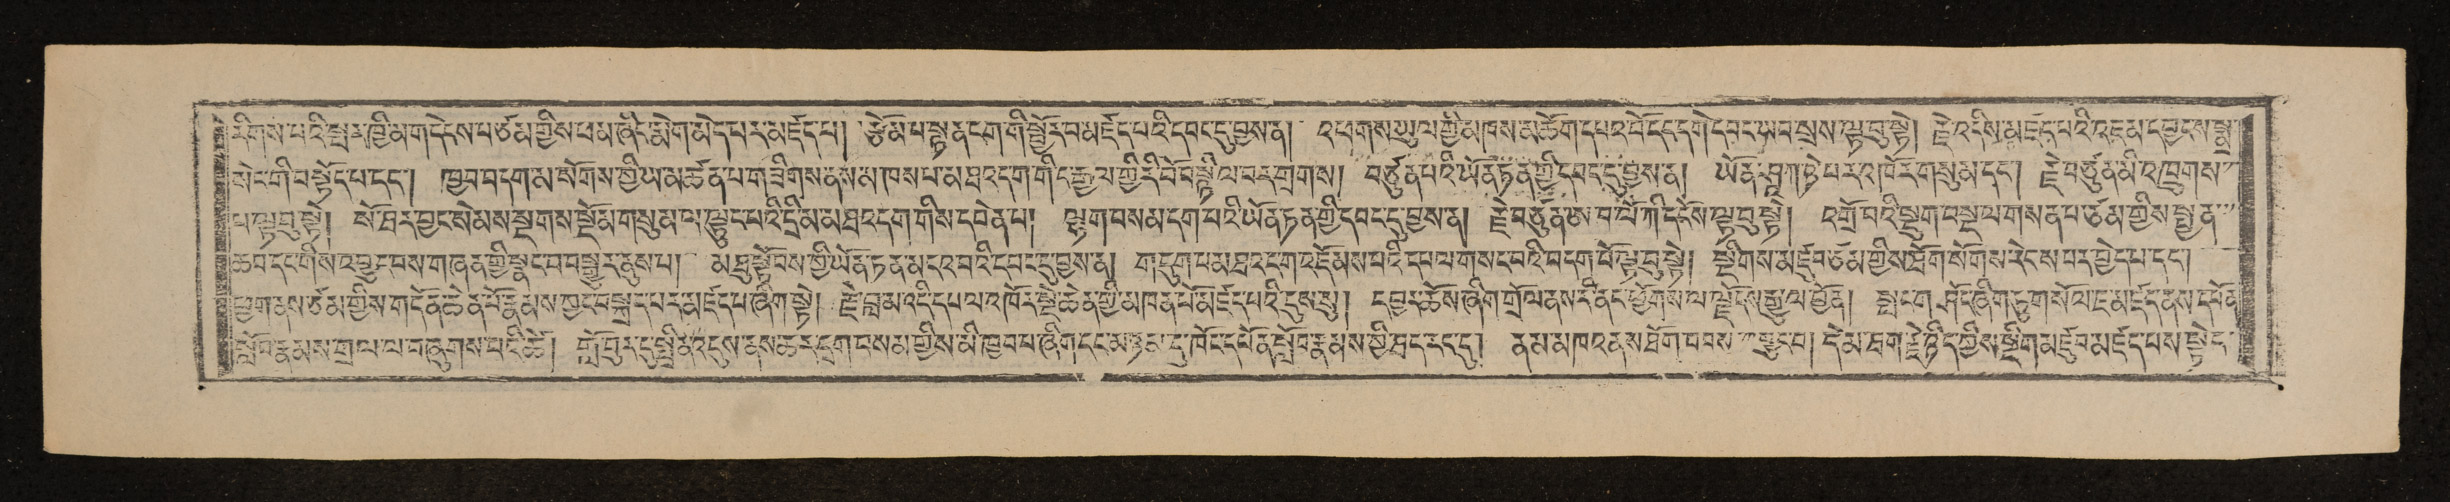རིགས་པའི་སྔར་ཁྱིམ་གདེངས་པ་ཙམ་གྱིས་ཕམ་ཞིང་རྨེག་མེད་པར་མཛད་པ། རྩོམ་པ་སྙན་ངག་གི་སྦྱོར་བ་མཛད་པའི་དབང་དུ་བྱས་ན། འཕགས་ཡུལ་གྱི་མཁས་མཆོག་དཔའ་བོ་དང་དགེ་དབང་ཡབ་སྲས་ལྟ་བུ་སྟེ། རྗེ་འདིས་མཛད་པའི་འཇམ་དབྱངས་སྨྲ་
སེང་གི་བསྟོད་པ་དང་། ཁྱབ་བདག་མ་སོགས་ཀྱི་ཡ་མཚན་པ་གཟིགས་ནས་མཁས་པ་མཐའ་དག་གི་ང་རྒྱལ་གྱི་རི་བོ་བསྙིལ་བར་གྲགས། བཙུན་པའི་ཡོན་ཏན་གྱི་དབང་དུ་བྱས་ན། ཡོན་ཤཱཀ་ཉེ་བར་འཁོར་གསུམ་དང་། རྗེ་བཙུན་མི་འཁྲུགས་
པ་ལྟ་བུ་སྟེ། སོ་ཐར་བྱང་སེམས་སྔགས་སྡོམ་གསུམ་ལ་ལྟུང་བའི་དྲི་མ་མཐའ་དག་གིས་དབེན་པ། ལྷག་བསམ་དག་པའི་ཡོན་ཏན་གྱི་དབང་དུ་བྱས་ན། རྗེ་བཙུན་ཨ་བ་ལོ་ཀི་དངོས་ལྟ་བུ་སྟེ། འགྲོ་བའི་སྡུག་བསྔལ་གསན་པ་ཙམ་གྱིས་སྤྱན་
ཆབ་དང་གིས་འབྱུང་བས་གཞན་གྱི་སྣང་བ་བསྒྱུར་ནུས་པ། མཐུ་སྟོབས་ཀྱི་ཡོན་ཏན་མངའ་བའི་དབང་དུ་བྱས་ན། གདུག་པ་མཐའ་དག་འཇོམས་པའི་དཔལ་གསང་བའི་བདག་པོ་ལྟ་བུ་སྟེ། སྡིགས་མཛུབ་ཙམ་གྱིས་ཐོག་སོགས་རེངས་པར་བྱེད་པ་དང་།
ཕྱག་ནས་ཙམ་གྱིས་གདོན་ཆེན་པོ་རྣམས་ཀྱང་བསྐྲད་པར་མཛད་པ་ཞིག་སྟེ། རྗེ་བླ་མ་འདི་དཔལ་འཁོར་སྡེ་ཆེན་གྱི་མཁན་པོ་མཛད་པའི་དུས་སུ། དབྱར་ཆོས་ཞིག་གྲོལ་ནས་རི་ནང་ཕྱོགས་ལ་ལྗོངས་རྒྱུ་ལ་བྱོན། སྤང་གཤོར་ཞིག་ཏུ་གསོལ་ཇ་མཛད་ནས་དཔོན་
སློབ་རྣམས་གྲལ་ལ་བཞུགས་པའི་ཚེ། གློ་བུར་དུ་སྤྲིན་འདུས་ནས་ཆར་དྲག་བསམ་གྱིས་མི་ཁྱབ་པ་ཞིག་རང་མཉམ་དུ་ཁོང་དཔོན་སློབ་རྣམས་ཀྱི་ཐད་རང་དུ། ནམ་མཁའ་ནས་ཐོག་བབས་བྱུང་བ། དེ་མ་ཐག་རྗེ་ཉིད་ཀྱིས་སྡིག་མཛུབ་མཛད་པས་སྟེང་